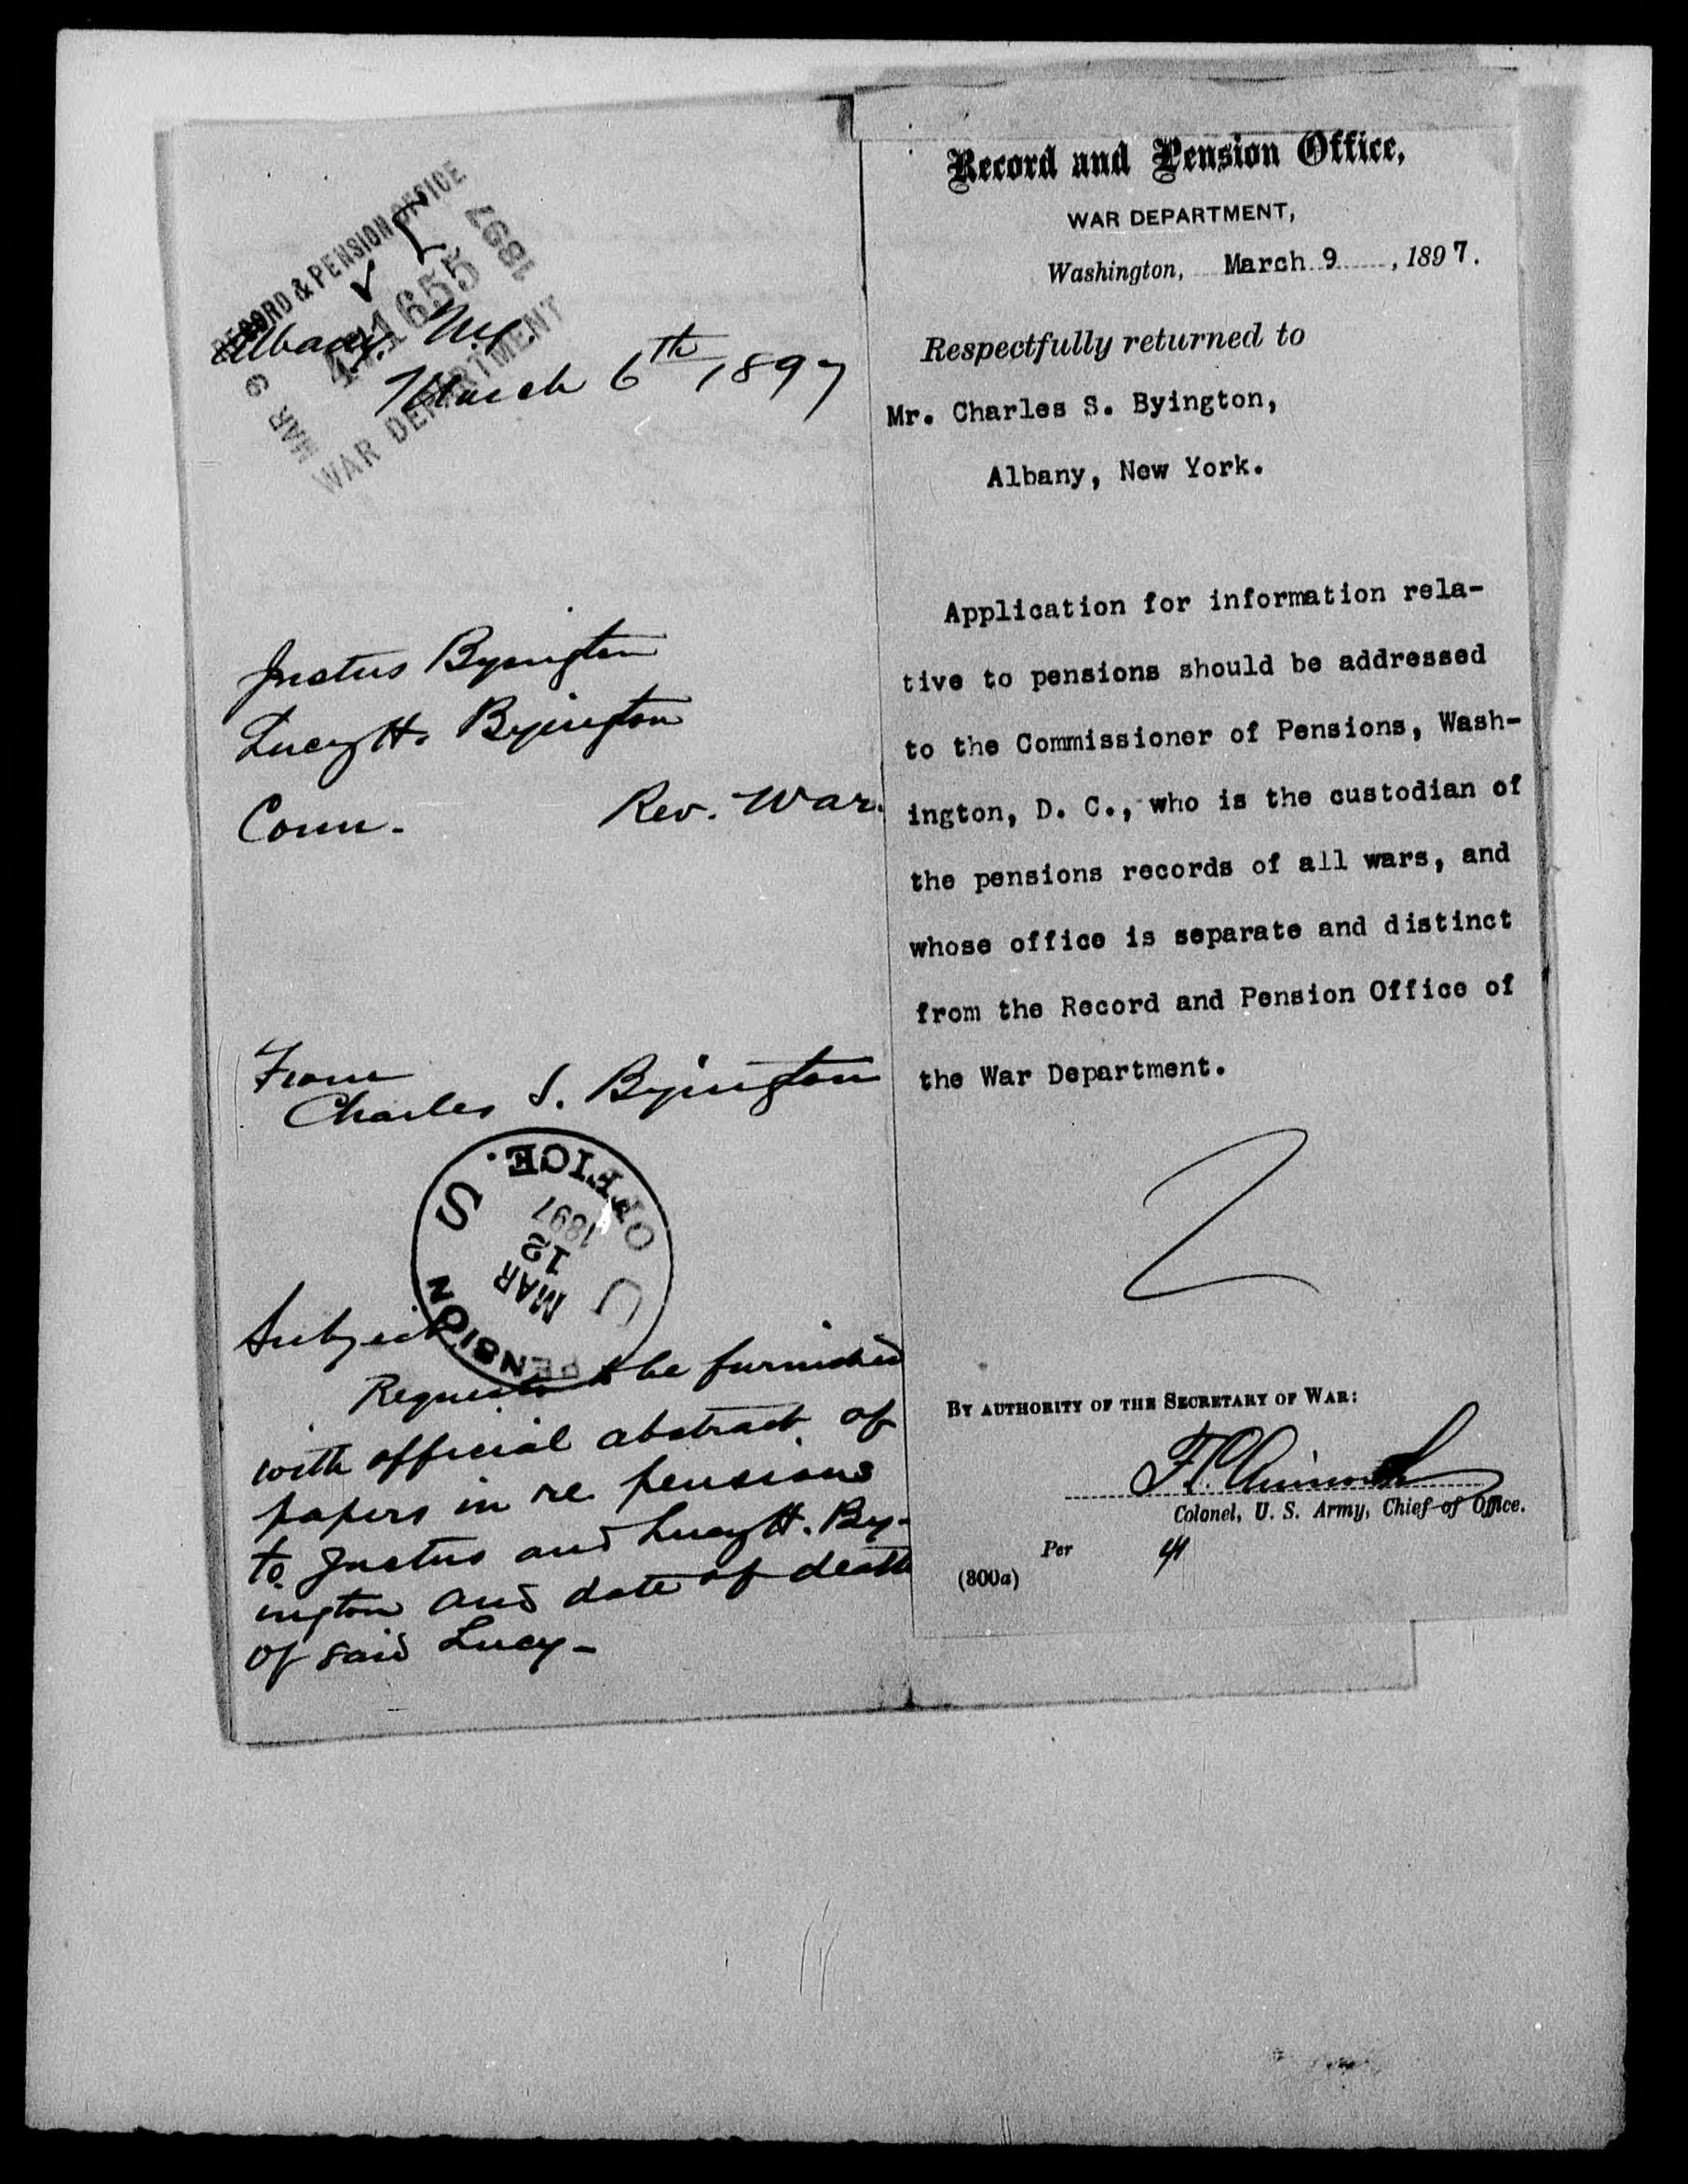[stamped]
RECORD & PENSION OFFICE
MAR 9 1897
WAR DEPARTMENT
47,1655

Albany, N.Y.
March 6th 1897

Justus Byington 
Lucy H. Byington
Conn. Rev. War

From Charles S. Byington
[stamped]
U. S. PENSION OFFICE
MAR 12 1897

Subject 
Request to be furnished with official abstract of papers in re pensions to Justus and Lucy H. Byington and date of death of said Lucy.

Record and Pension Office,
WAR DEPARTMENT,
Washington, March 9, 1897.
Respectfully returned to 
Mr. Charles S. Byington,
Albany, New York.

Application for information relative to pensions should be addressed to the Commissioner of Pensions, Washington, D. C., who is the custodian of the pensions records of all wars, and whose office is separate and distinct from the Record and Pension Office of the War Department.
BY AUTHORITY OF THE SECRETARY OF WAR
F. L. Ainsworth
Colonel, U. S. Army, Chief of Office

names: Justus Byington, Charles S Byington, Lucy H Byington, Lucy, Lucy H Byington, F L Ainsworth, Justus Byington, Charles S Byington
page: 69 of 79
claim: widow's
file: W. 23754, Justus Byington, Conn.